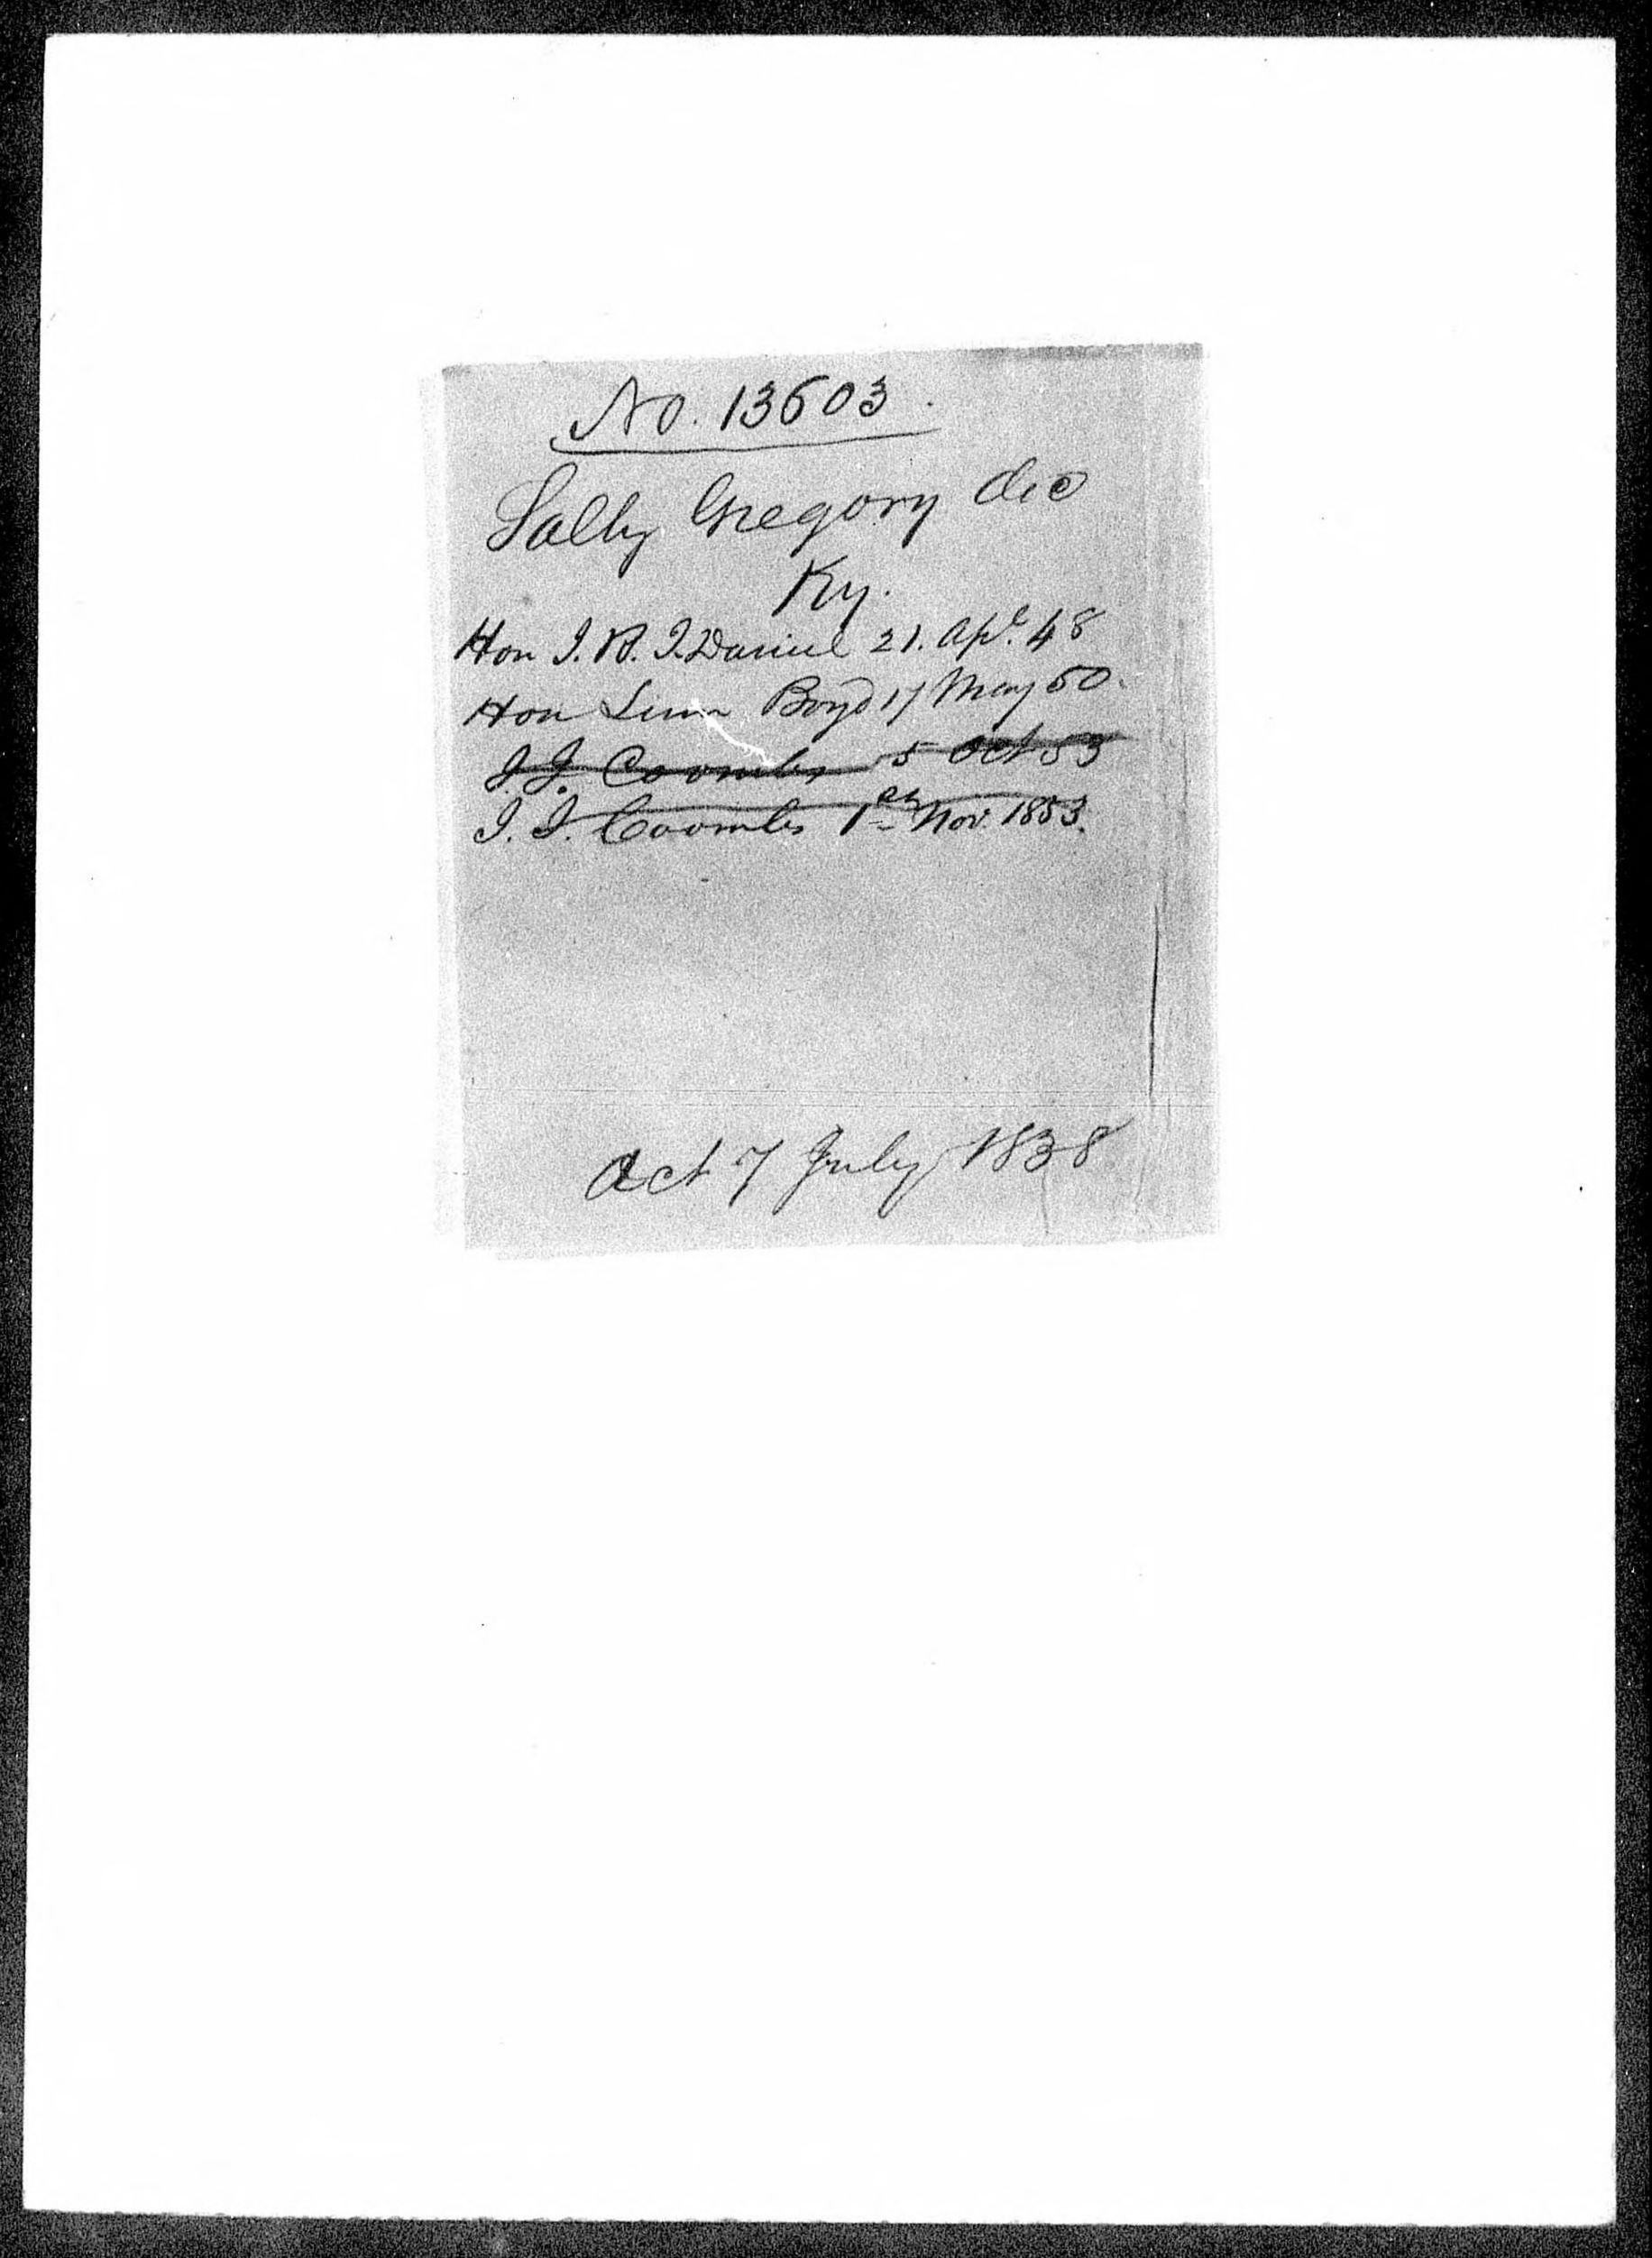No. 13603
Sally Gregory dec
Ky.
Hon. J. B. J. Daniel 21 Ap'l 48
Hon Liner Boyd 17 May 50
[marked out:  J. J. Coombs 5 Oct 53
J. J. Coombs 1st Nov 1853]

Act of July 1838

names: Sally Gregory, J J Coombs, J J Coombs, Liner Boyd, J B J Daniel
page: 28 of 75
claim: widow's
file: W. 8876, Thomas Gregory, Continental Va